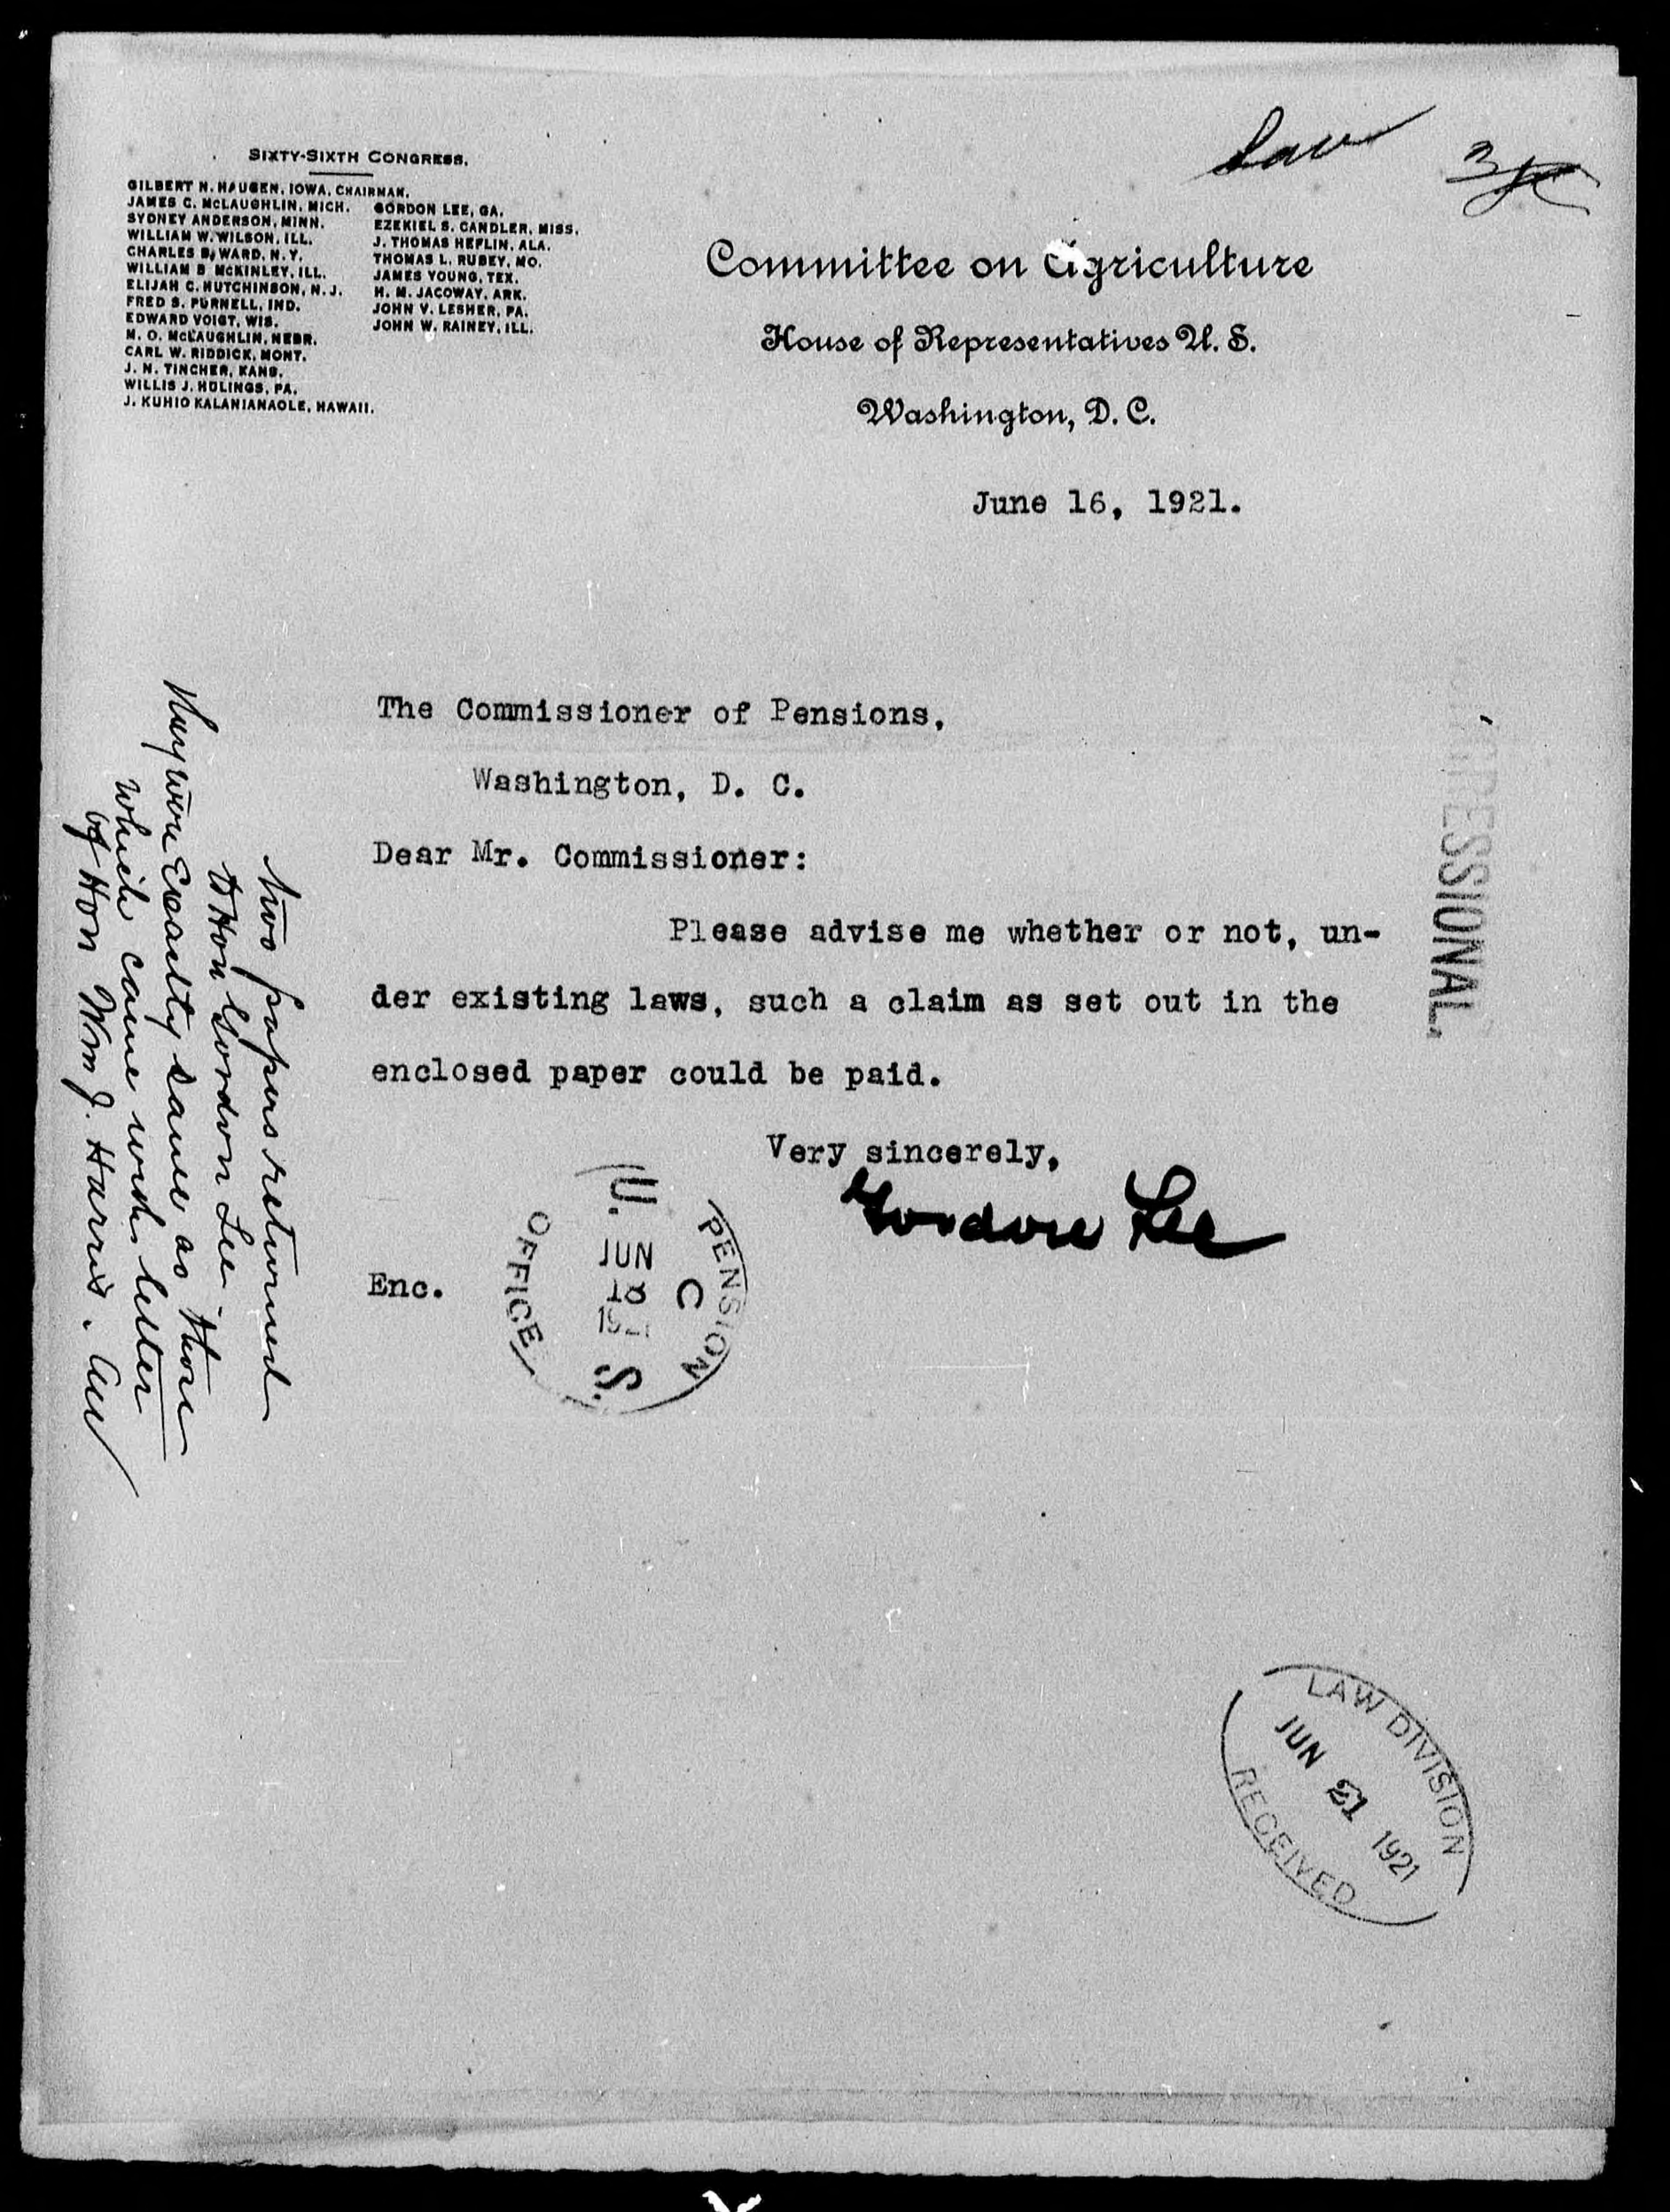SIXTY-SIXTH CONGRESS.
GILBERT N. HAUGEN, IOWA, CHAIRMAN.
GORDON LEE, GA.
JAMES G MCLAUGHLIN, MICH.
SYDNEY ANDERSON, MINN.
EZEKIEL S. CANDLER, MISS.
WILLIAN W. WILSON, ILL.
CHARLES B. WARD, N.Y.
J. THOMAS BEFLIN, ALA.
WILLIAM E McKINLEY, ILL.
THOMAS L. RUSKY, MO.
ELIJAH C. HUTCHINSON, N.J.
JAMES YOUNG, TEX.
FRED S. PURNELL, IND.
H. M. JACOWAY, ARK.
EDWARD VOIT, Wis.
JOHN V. LESHER, PA.
M. O. McLAUGHLIN, NEBR.
J. N. TINCHER KANS.
CARL W. RIDDICK MONT.
JOHN W RAINEY, LL.
WILLIS J.  HOLINGS, PA.
J. KUHIO R
KALANIANACLE, HAWAII.

[initials on corner] Sav JC
Committee on Agriculture
House of Representatives U.S.
Washington, D.C.
June 16, 1921.
Commissioner of Pensions,
Washington, D. C.
Dear Mr. Commissioner:

Please advise me whether or not, under
existing laws, such a claim as set out in the
enclosed paper could be paid.
Very sincerely,
Hon Gordon Lee
Enc.
two papers returned
to Hon Gordon Lee
they were exactly same as those
which came with letter of Hon Wm J. Harris. Au
[stamp] CONGRESSIONAL
[STAMP] PENSION OFFICE U.S. JUN 18 1921
[stamp] LAW DIVISION RECEIVED JUNE 21 1921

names: William W Wilson, J Thomas Heflin, Willis J Holings, Wm J Harris, William B Mc Kinley, James C Mc Laughlin, Edward Yoist, Elijah C Hutchinson, Fred S Purnell, John V Lesher, John W Rainey, Ezekiel S Candler, H M Jacoway, Carl W Riddick, Gilbert H Hausen, Gordon Lee, J H Tincher, Gordon Lee, Sydney Anderson, James Young, Thomas L Rubey, Charles S Ward, Gordon Lee, J Kuhio Kalahianacle, M O Mc Laughlin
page: 25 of 32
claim: rejected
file: R. 4655, Jesse Harris, N.C.